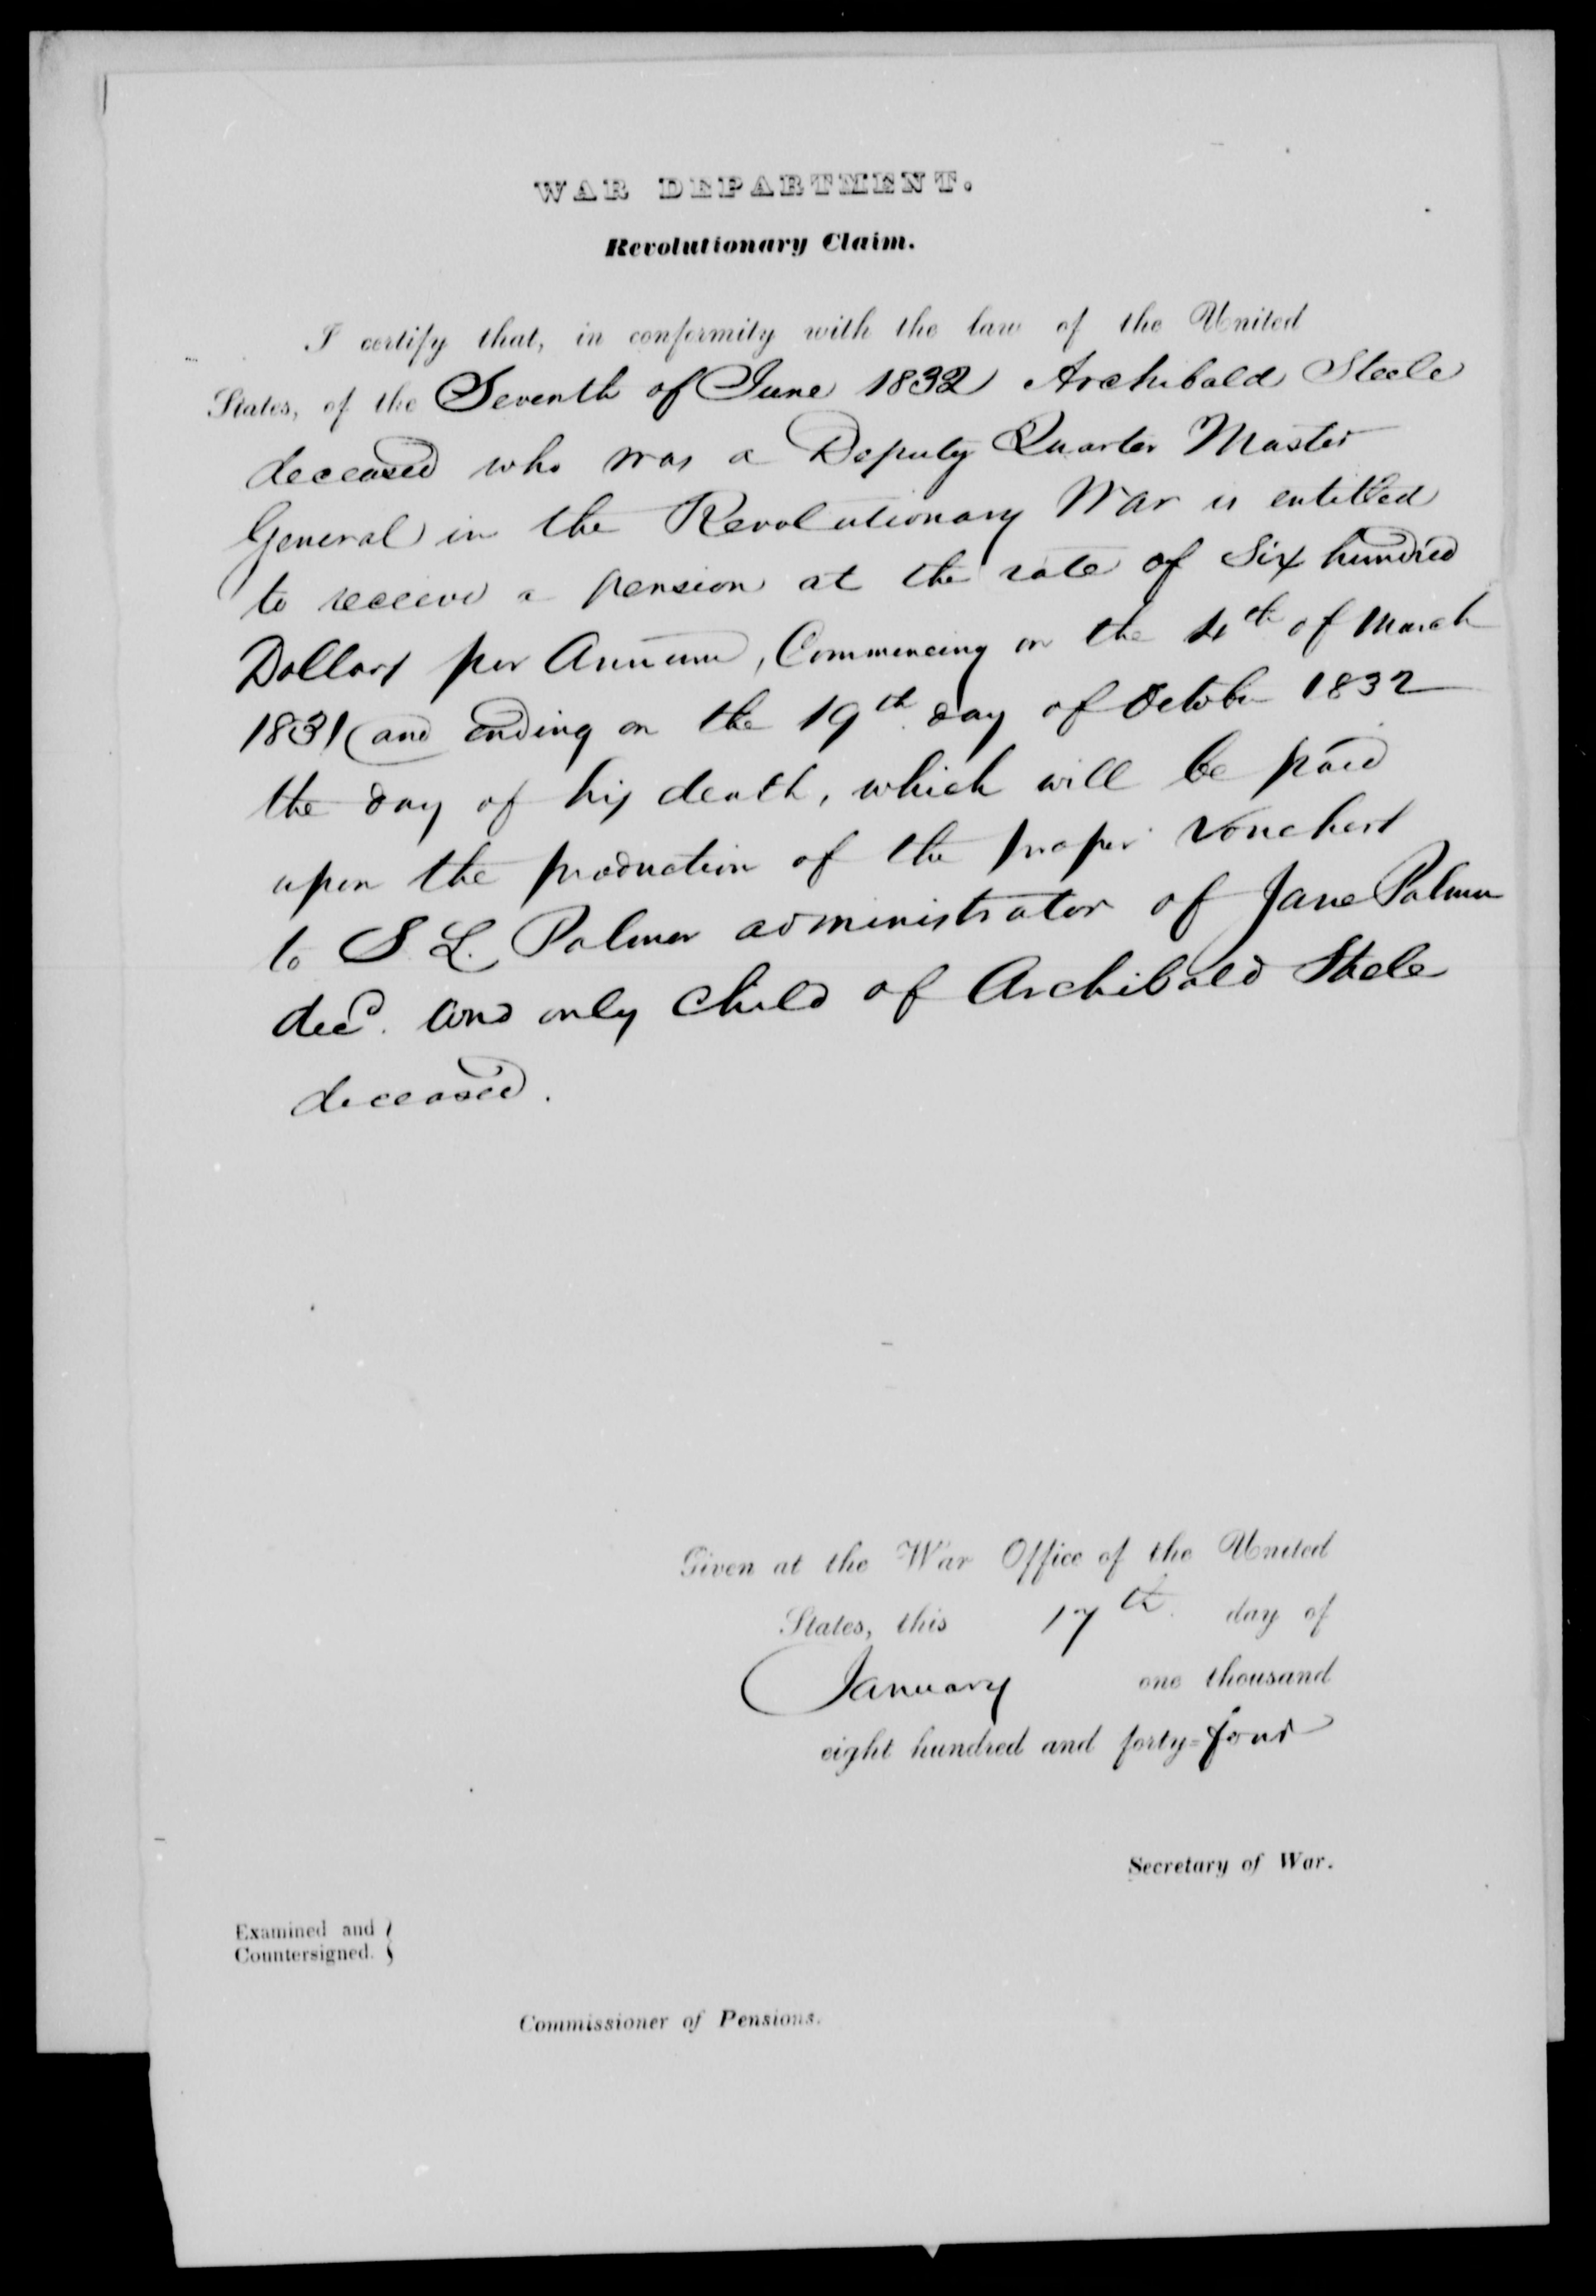War Department.
Revolutionary Claim.

I certify that, in conformity with the law of the United Sates of the Seventh of June 1832 Archibald Steele deceased who was a Deputy Quarter Master General in the Revolutionary War is entitled to receive a pension at the rate of Six hundred Dollars per annum, commencing on the 4th of March 1831 and ending on the 19th day of October 1832 the day of his death, which will be paid upon the production of the proper voucher to S. L. Palmer administrator of Jane Palmer died. and only child of Archibald Steele deceased.

Given at the War Office of the United States, this 17th day of January one thousand eight hundred and forty-four

Secretary of War.

Examined and {
Countersigned {

Commissioner of Pensions.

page: 10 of 28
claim: survivor's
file: S. 7601, for Archibald Steel, Pennsylvania